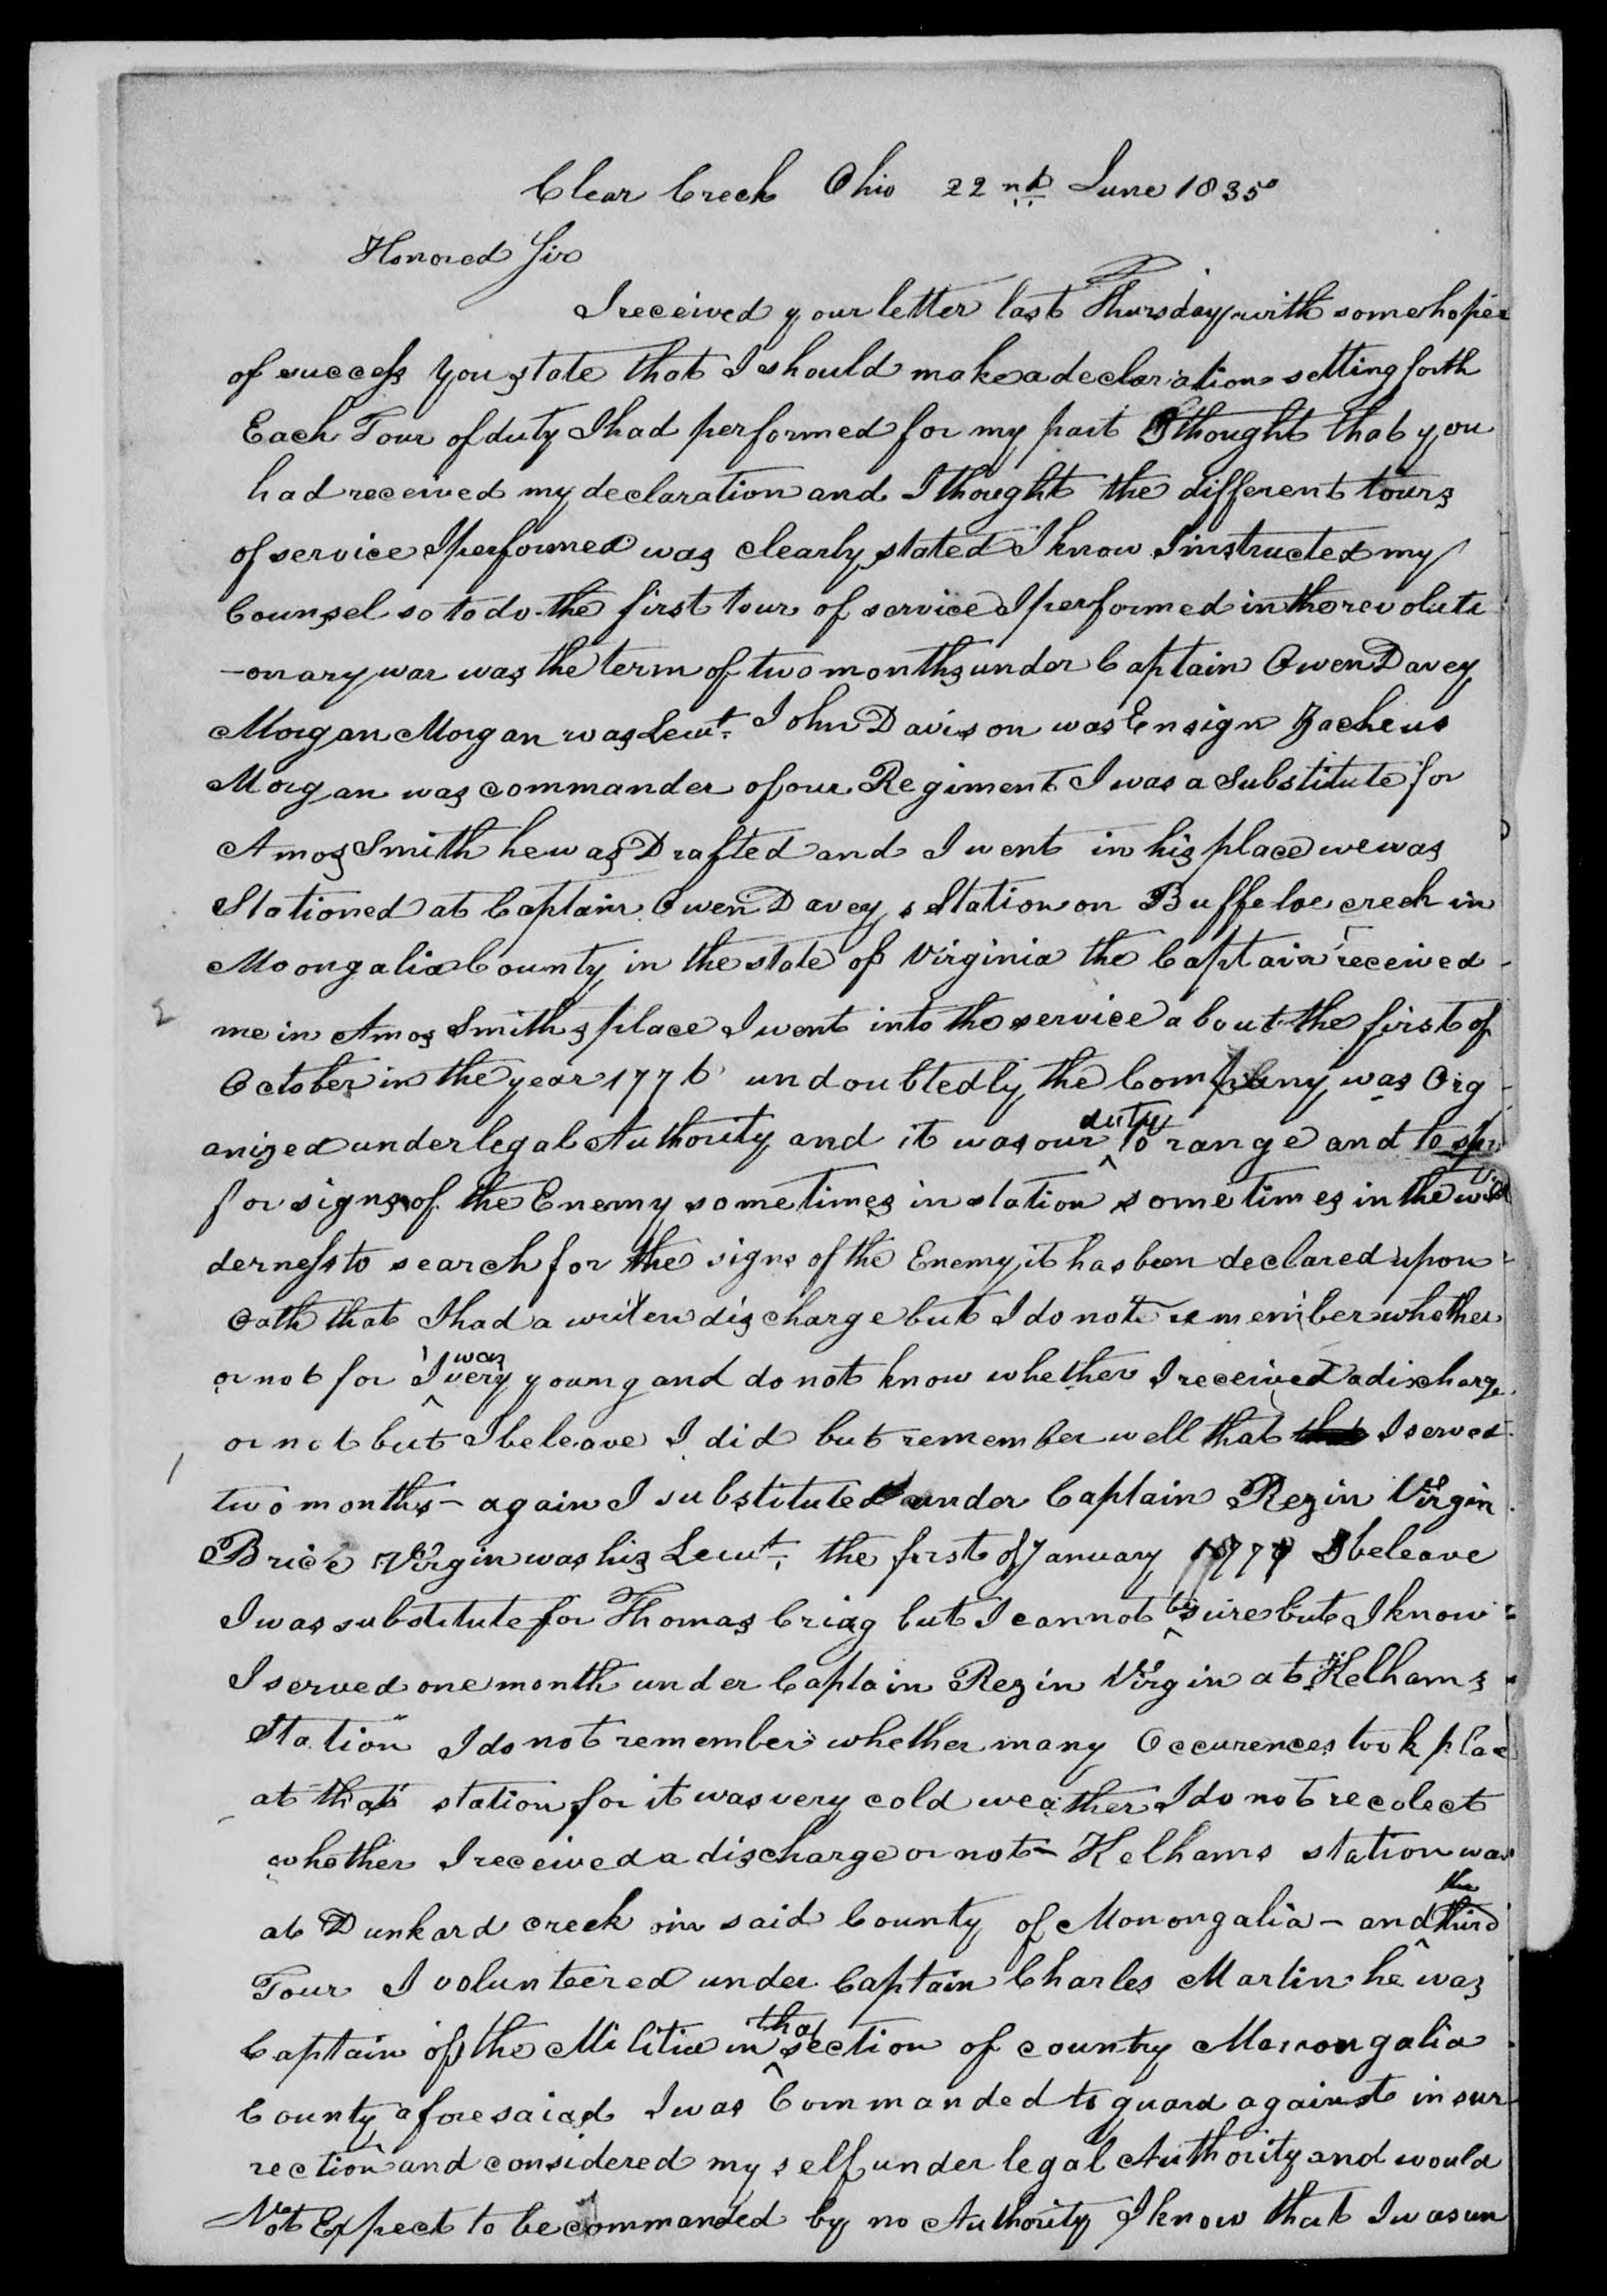Clear Creek Ohio 22nd June 1835
Honored Sir
I received your letter last Thursday with some hopes of success you state that I should make a declaration setting forth Each Tour of duty I had performed for my part I thought that you had received my declaration and I thought the different tours of service I performed was clearly stated I know I instructed my Counsel so to do the first tour of service I performed in the revolutionary war was the term of two months under Captain Owen Davey Morgan Morgan was Lieut. John Davison was Ensign Zacheus Morgan was commander of our Regiment I was a Substitute for Amos Smith he was Drafted and I went in his place we was Stationed at Captain Owen Daveys Station on Buffaloe Creek in Monongalia County in the state of Virginia the Captain received me in Amos Smith's place I went into the service a Scout the first of October in the year 1776 undoubtedly the Company was organized under legal authority and it was our duty to range and to see for signs of the Enemy sometimes in station sometimes in the wilderness to search for the signs of the Enemy it has been declared upon Oath that I had a written discharge but I do not remember whether or not for I was very young and o not know whether I received a discharge or not but I believe I did but remember well that I served two months - again I substituted under Captain Rezin Virgin Brice Virgin was his Lieut, the first of January 1777 I believe 
I was substitute for Thomas Criag but I cannot be sure but I know I served one month under Captain Rezin Virgin at Kelhams Station I do not remember whether many Occurences took place at that station for it was very cold weather I do not recollect whether I received a discharge or not - Kelhams station was at Dunkard Creek in said County of Monongalia - and the third Tour I volunteered under Captain Charles Martin he was Captain of the Militia in that section of country Monongalia County aforesaid I was Commanded to guard against insurrection and considered myself under legal Authority and would Not Expect to be commanded by no Authority that I know that I was un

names: Amos Smith, Owen Davey, Charles Martin, Rezin Virgin, Brice Virgin, Amos Smith, Thomas Criag, John Davison, Rezin Virgin, Owen Davey, Charles Martin, Zacheus Morgan, Morgan Morgan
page: 30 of 33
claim: survivor's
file: S. 9587, William Holson, Va.